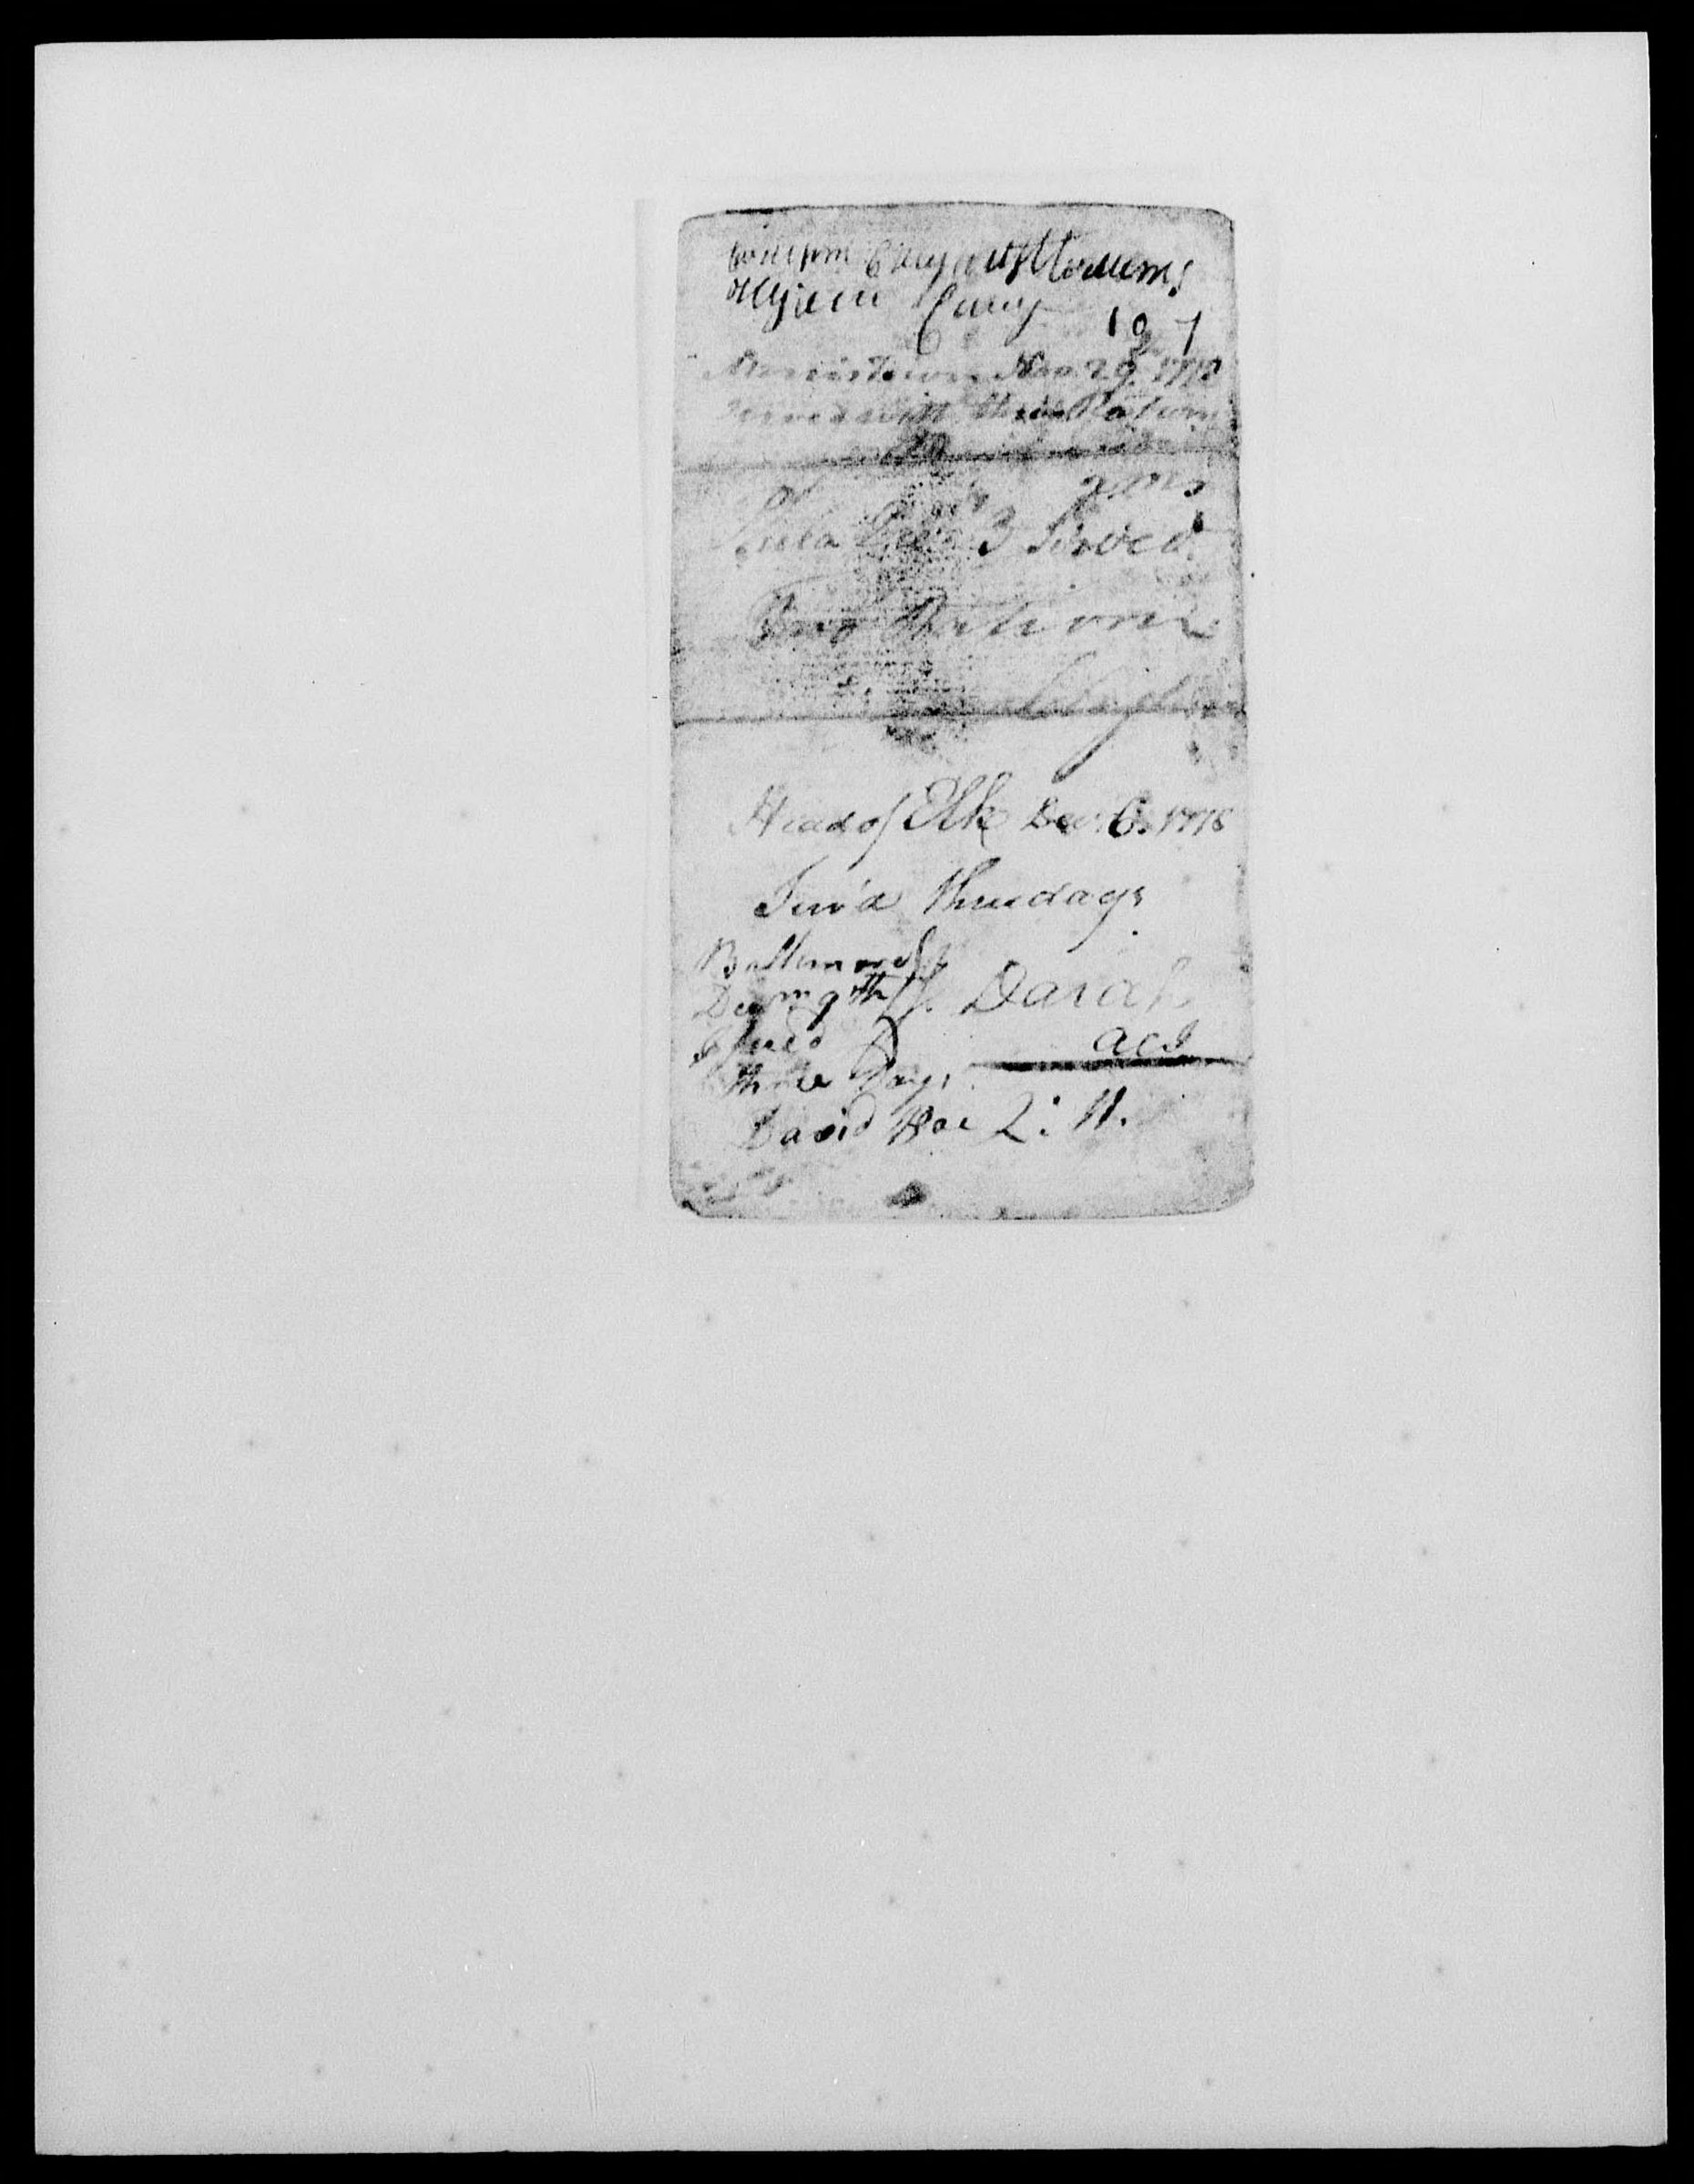[This record image 16/50 appears to be from a slip of paper well worn over time. Several entries appear to be in different handwriting, in various shades of ink, at different dates.  This record appears to be a list showing various individuals' tallies indicating that they had provided rations, possibly to William Bugg.

[Visual analysis of the document's edges and appearance, seem to indicate this record image 16/50 is the opposite side of the record image 17/50.  That latter image 17/50 is a document showing that various Commissaries in the U.S. states located between New York and North Carolina, were requested to "furnish the Bearer hereof William Bugg with his Rations he having served the Service [or Same] for which he Inlisted and is on his way home..."  

[The record on this image 16/50 appears to show an accounting by various people over different dates, of rations provided to William Bugg on his journey home after the Revolutionary War, from New York to North Carolina.  Few specifics can be clearly read at this time in this well-worn document, but here is what can be discerned now:]

[Possibly?] William Crig [or possibly Creg or Cary or Casy] at [illegible] towns NY [illegible] 10 7

[Here in a different handwriting, in lighter ink] Morris Town Nov. 29.  [The year is hard to read, but appears to be] 1772
Served with the [? "said"] Rations 
[Here most of the next handwritten line is well worn and difficult to read, possibly having been on a fold in the paper.]

[Next follows a two lines of a larger light ink inscription, much of it illegible, but "3 Served" appears partway. Then, below what clearly appears to be a fold in the paper, there is this in a different handwriting, in a different shade of ink:]

Head of Elk Dec: [or Decr] 6. 1778
Serv'd [here the next words appear to read] three days 
Ballence of
Decm [or Decr] 9th  [To the right of that, there appears to be a larger inscription, perhaps reading?] Lt Darah
Act [with a line underneath, perhaps meaning account] I Sered [perhaps meaning Served] Three Days. 
[Two illegible two words] 2:11.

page: 16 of 50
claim: widow's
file: W. 898, William Bugg, N.C.